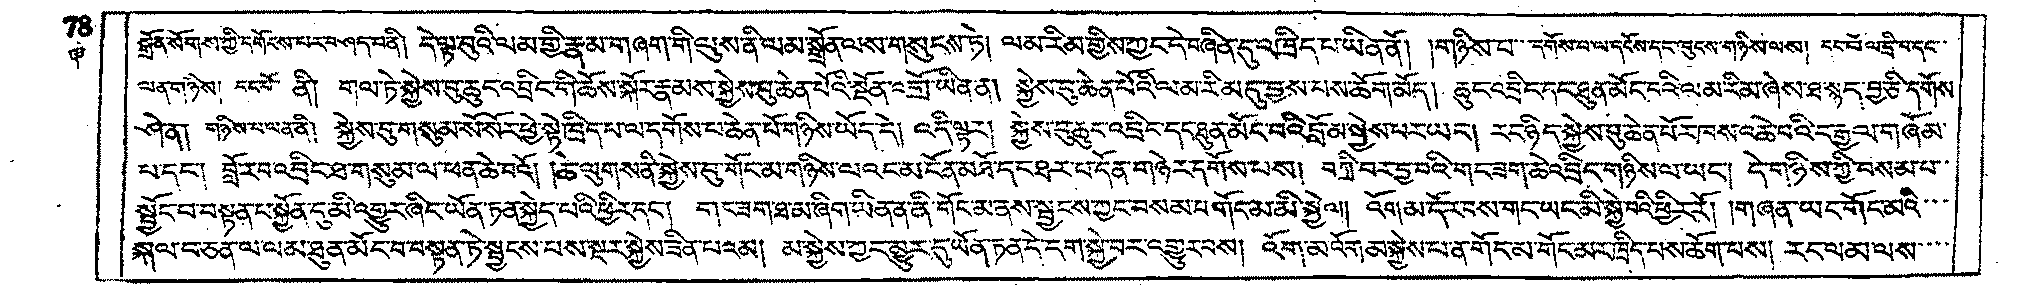སྒྲོན་སོགས་ཀྱི་དགོངས་པར་བཤད་པ་ནི།  དེ་ལྟ་བུའི་ལམ་གྱི་རྣམ་གཞག་གི་ལུས་ནི་ལམ་སྒྲོན་ལས་གསུངས་ཏེ། ལམ་རིམ་གྱིས་ཀྱང་དེ་བཞིན་དུ་འཁྲིད་པ་ཡིན་ནོ། །གཉིས་པདགོས་པ་ལ་དངོས་དང་ཁུངས་གཉིས་ལས། དང་པོ་ལ་དྲི་བ་དང་
ལན་གཉིས། དང་པོནི། གལ་ཏེ་སྐྱེས་བུ་ཆུང་འབྲིང་གི་ཆོས་སྐོར་རྣམས་སྐྱེས་བུ་ཆེན་པོའི་སྔོན་འགྲོ་ཡིན་ན། སྐྱེས་བུ་ཆེན་པོའི་ལམ་རིམ་དུ་བྱས་པས་ཆོག་མོད། ཆུང་འབྲིང་དང་ཐུན་མོང་བའི་ལམ་རིམ་ཞེས་ཐ་སྙད་བྱ་ཅི་དགོས་
ཤེ་ན། གཉིས་པ་ལན་ནི།  སྐྱེས་བུ་གསུམ་སོ་སོར་ཕྱེ་སྟེ་ཁྲིད་པ་ལ་དགོས་པ་ཆེན་པོ་གཉིས་ཡོད་དེ། འདི་ལྟར། སྐྱེས་བུ་ཆུང་འབྲིང་དང་ཐུན་མོང་བའི་བློ་མ་སྐྱེས་པར་ཡང་། རང་ཉིད་སྐྱེས་བུ་ཆེན་པོར་ཁས་འཆེ་བའི་ང་རྒྱལ་གཞོམ་
པ་དང་། བློ་རབ་འབྲིང་ཐ་གསུམ་ལ་ཕན་ཆེ་བའོ། །ཆེ་ལུགས་ནི་སྐྱེས་བུ་གོང་མ་གཉིས་ལའང་མངོན་མཐོ་དང་ཐར་པ་དོན་གཉེར་དགོས་པས། བཀྲི་བར་བྱ་བའི་གང་ཟག་ཆེ་འབྲིང་གཉིས་ལ་ཡང་། དེ་གཉིས་ཀྱི་བསམ་པ་
སྦྱོང་བ་བསྟན་པ་སྐྱོན་དུ་མི་འགྱུར་ཞིང་ཡོན་ཏན་སྐྱེད་པའི་ཕྱིར་དང་། གང་ཟག་ཐ་མ་ཞིག་ཡིན་ན་ནི་གོང་མ་ནས་སྦྱངས་ཀྱང་བསམ་པ་གོང་མ་མི་སྐྱེལ། འོག་མདོར་བས་གང་ཡང་མི་སྐྱེ་བའི་ཕྱིར་རོ། །གཞན་ཡང་གོང་མའི་
སྐལ་བ་ཅན་ལ་ལམ་ཐུན་མོང་བ་བསྟན་ཏེ་སྦྱངས་པས་སྔར་སྐྱེས་ཟིན་པའམ། མ་སྐྱེས་ཀྱང་མྱུར་དུ་ཡོན་ཏན་དེ་དག་སྐྱེ་བར་འགྱུར་བས། འོག་མ་འོག་མ་སྐྱེས་པ་ན་གོང་མ་གོང་མར་ཁྲིད་པས་ཆོག་པས། རང་ལམ་ལས་